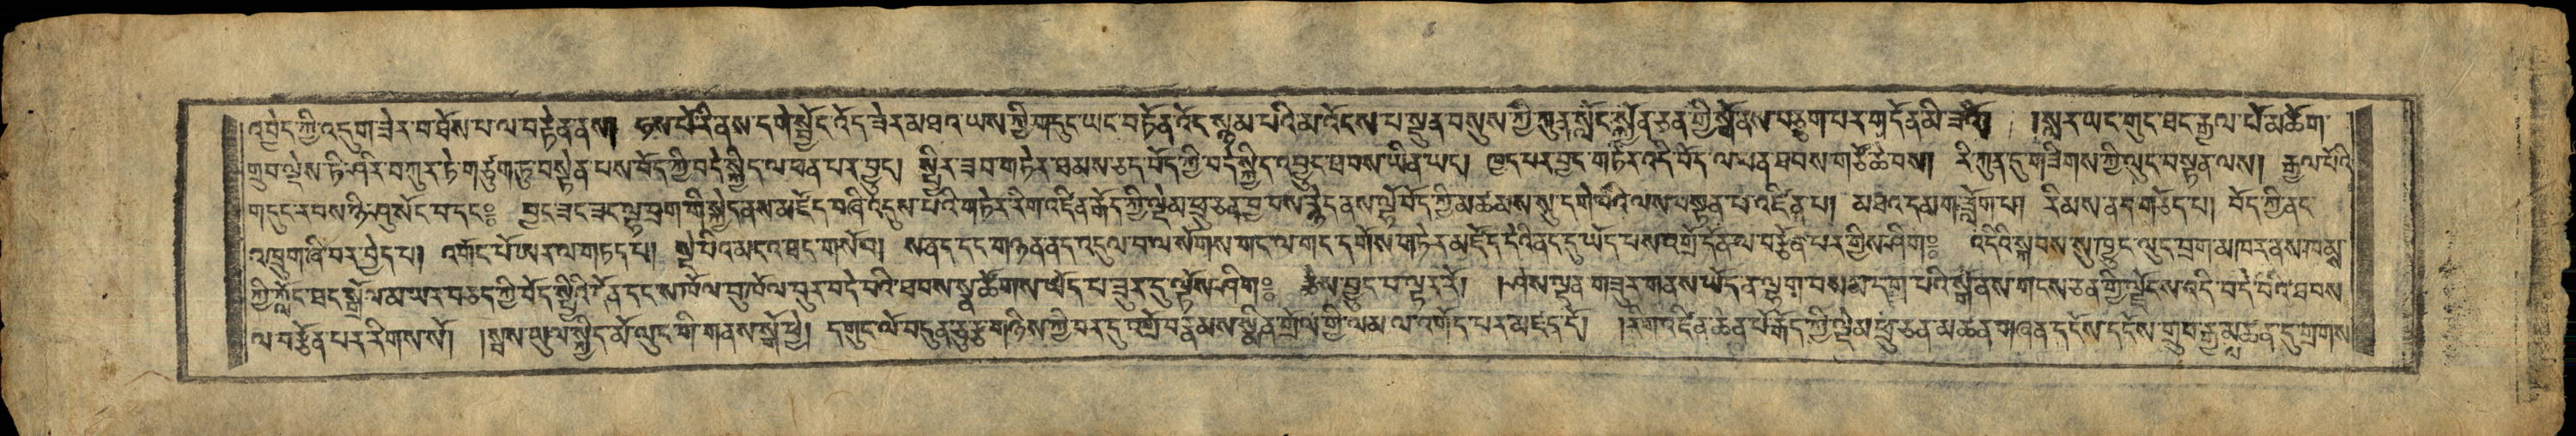འབྱེད་ཀྱི་འདུག་ཟེར་བ་ཐོས་པ་ལ་བརྟེན་ནས། ཧས་པོ་རི་ནས་དགེ་སྦྱོང་འོད་ཟེར་མཐའ་ཡས་ཀྱི་གདུང་ཡང་བཏོན་འོང་སྙམ་པའི་མ་འོངས་པ་སྤུན་བསུས་ཀྱི་ཀུན་སློང་སྐྱོན་ཅན་གྱི་སྒོ་ནས་བཅུག་པར་གདོན་མི་ཟའོ། །སླར་ཡང་གུང་ཐང་རྒྱལ་པོ་མཆོག་
གྲུབ་ལྡེས་ཏི་ཤིར་བཀུར་ཏེ་གཙུག་ཏུ་བསྟེན་པས་བོད་ཀྱི་བདེ་སྐྱིད་ལ་ཕན་པར་བྱུང་། སྤྱིར་ཟབ་གཏེར་ཐམས་ཅད་བོད་ཀྱི་བདེ་སྐྱིད་འབྱུང་ཐབས་ཡིན་ཡང་། ཁྱད་པར་བྱང་གཏེར་འདི་བོད་ལ་ཕན་ཐབས་གཙོ་ཆེ་བས། རི་ཀུན་དུ་གཟིགས་ཀྱི་ལུང་བསྟན་ལས། རྒྱལ་པོའི་
གདུང་རབས་ཉི་ཤུ་སོང་བ་དངཿ་བྱང་ཟང་ཟང་ལྷ་བྲག་གི་སྐྱེད་ནས་མཛོད་བཞི་འདུས་པའི་གཏེར་རིག་འཛིན་རྒོད་ཀྱི་ལྡེམ་ཕྲུ་ཅན་བྱ་བས་རྙེད་ནས་ལྷོ་བོད་ཀྱི་མཚམས་སུ་དགེ་བའི་ལས་བསྟན་པ་འཛིན་པ། མཐའ་དམག་ཟློག་པ། རིམས་ནད་གཅོད་པ། བོད་ཀྱི་ནང་
འཁྲུག་ཞི་བར་བྱེད་པ། འགོང་པོ་ཨར་ལ་གཏད་པ། སྡེ་བའི་མངའ་ཐང་གསོ་བ། ས་ནད་དང་གཉན་ནད་འདུལ་བ་ལ་སོགས་གང་ལ་གང་དགོས་གཏེར་མཛོད་དེའི་ནང་དུ་ཡོད་པས་འགྲོ་དོན་ལ་བརྩོན་པར་གྱིས་ཤིགཿ་འདིའི་སྐབས་སུ་ཁྱུང་ལུང་བྲག་མཁར་ནས་ཁམས་
ཀྱི་ཀློང་ཐང་སྒྲོལ་མ་ཡར་བཅད་ཀྱི་བོད་སྤྱིའི་དོན་དང་ས་ཁོལ་བུ་ཁོལ་བུར་བདེ་བའི་ཐབས་སྣ་ཚོགས་ཡོད་པ་ཟུར་དུ་ལྟོས་ཤིགཿ་ཅེས་བྱུང་བ་ལྟར་རོ། །ཤེས་ལྡན་གཟུར་གནས་ཡོད་ན་ལྷག་བསམ་དག་པའི་སྒོ་ནས་གངས་ཅན་གྱི་ལྗོངས་འདི་བདེ་བའི་ཐབས་
ལ་བརྩོན་པར་རིགས་སོ། །སྦས་ཡུལ་སྐྱིད་མོ་ལུང་གི་གནས་སྒོ་ཕྱེ། དགུང་ལོ་བདུན་ཅུ་རྩ་གཉིས་ཀྱི་བར་དུ་འགྲོ་བ་རྣམས་སྨིན་གྲོལ་གྱི་ལམ་ལ་འགོད་པར་མཛད་དོ། །རིག་འཛིན་ཆེན་པོ་རྒོད་ཀྱི་ལྡེམ་ཕྲུ་ཅན་མཚན་གཞན་དངོས་དངོས་གྲུབ་རྒྱ་མལ་ཆན་དུ་གྲགས་